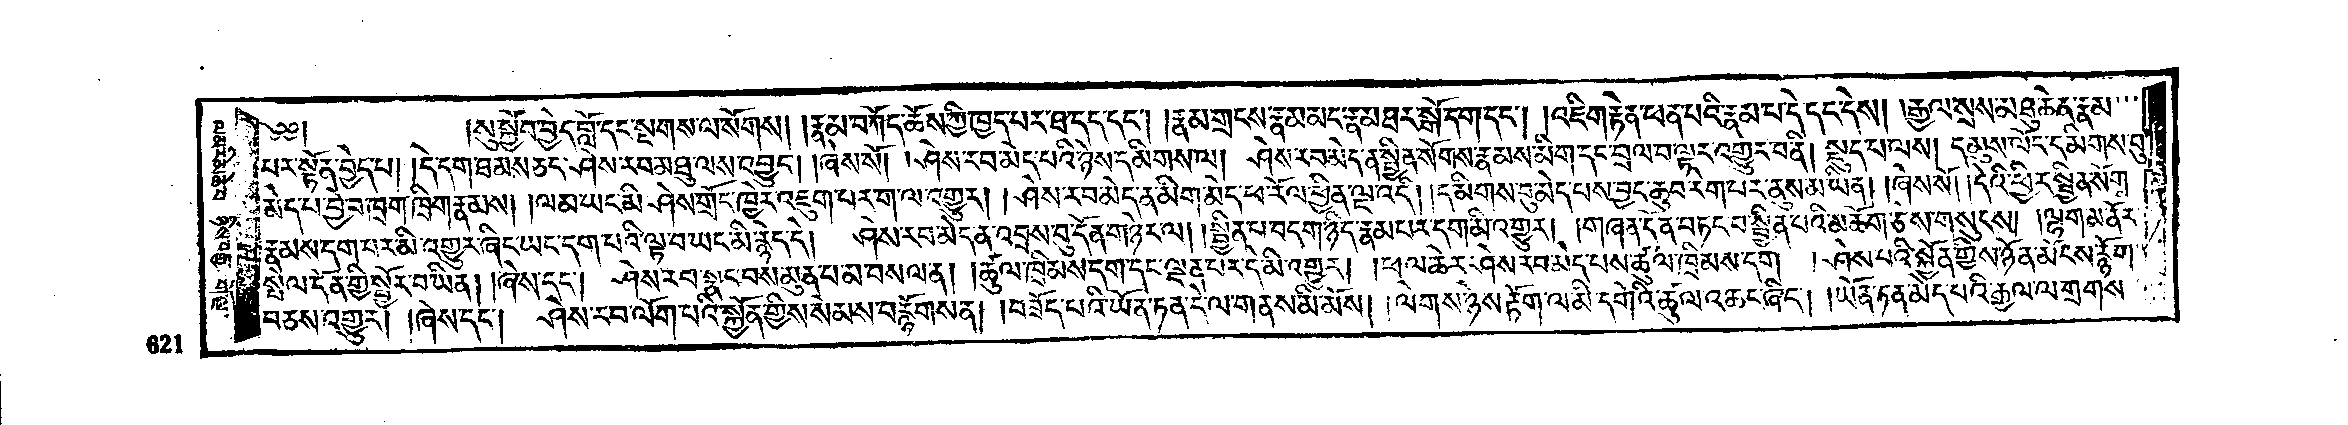༄༅། །སུ་སྐྱོབ་བྱེད་བློ་དང་སྔགས་ལ་སོགས། །རྣམ་བཀོད་ཆོས་ཀྱི་ཁྱད་པར་ཐ་དད་དང་། །རྣམ་གྲངས་རྣམ་མང་རྣམ་ཐར་སྒོ་དག་དང་། །འཇིག་རྟེན་ཕན་པའི་རྣམ་པ་དེ་དང་དེས། །རྒྱལ་སྲས་མཐུ་ཆེན་རྣམ་
པར་སྟོན་བྱེད་པ། །དེ་དག་ཐམས་ཅད་ཤེས་རབ་མཐུ་ལས་འབྱུང་། །ཞེས་སོ། །ཤེས་རབ་མེད་པའི་ཉེས་དམིགས་ལ། ཤེས་རབ་མེད་ན་སྦྱིན་སོགས་རྣམས་མིག་དང་བྲལ་བ་ལྟར་འགྱུར་བ་ནི། སྡུད་པ་ལས། དམུས་ལོང་དམིགས་བུ་
མེད་པ་བྱེ་བ་ཁྲག་ཁྲིག་རྣམས། །ལམ་ཡང་མི་ཤེས་གྲོང་ཁྱེར་འཇུག་པར་ག་ལ་འགྱུར། །ཤེས་རབ་མེད་ན་མིག་མེད་ཕ་རོལ་ཕྱིན་ལྔ་འདི། །དམིགས་བུ་མེད་པས་བྱང་ཆུབ་རེག་པར་ནུས་མ་ཡིན། །ཞེས་སོ། །དེའི་ཕྱིར་སྦྱིན་སོགས་
རྣམས་དག་པར་མི་འགྱུར་ཞིང་ཡང་དག་པའི་ལྟ་བ་ཡང་མི་རྙེད་དེ། ཤེས་རབ་མེད་ན་འབྲས་བུ་དོན་གཉེར་ལ། །སྦྱིན་པ་བདག་ཉིད་རྣམ་པར་དག་མི་འགྱུར། །གཞན་དོན་བཏང་བ་སྦྱིན་པའི་མཆོག་ཅེས་གསུངས། །ལྷག་མ་ནོར་
སྤེལ་དོན་གྱི་སྦྱོར་བ་ཡིན། །ཞེས་དང་། ཤེས་རབ་སྣག་བས་མུན་པ་མ་བསལ་ན། །ཚུལ་ཁྲིམས་དག་དང་ལྡན་པར་དེ་མི་འགྱུར། །ཕལ་ཆེར་ཤེས་རབ་མེད་པས་ཚུལ་ཁྲིམས་དག །ཤེས་པའི་སྐྱོན་གྱིས་ཉོན་མོངས་རྙོག་
བཅས་འགྱུར། །ཞེས་དང་། ཤེས་རབ་ལོག་པའི་སྐྱོན་གྱིས་སེམས་བརྙོགས་ན། །བཟོད་པའི་ཡོན་ཏན་དེ་ལ་གནས་མི་མོས། །ལེགས་ཉེས་རྟོག་ལ་མི་དགའི་ཚུལ་འཆང་ཞིང་། །ཡོན་ཏན་མེད་པའི་རྒྱལ་ལ་གྲགས་